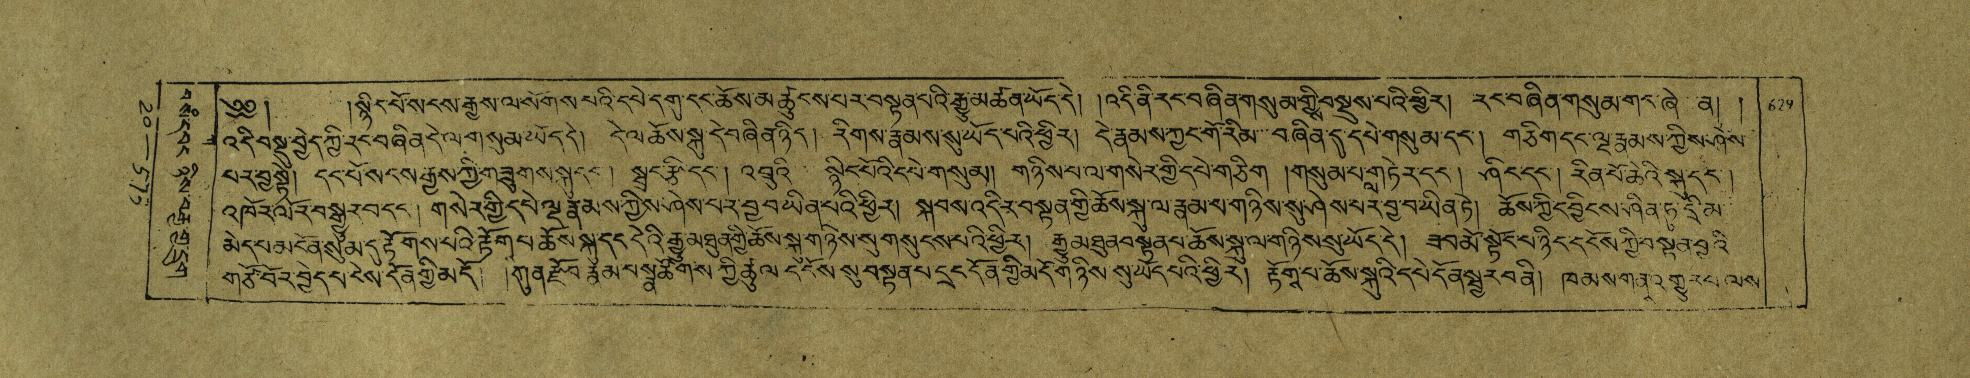༄༅། །སྙིང་པོ་སངས་རྒྱས་ལ་སོགས་པའི་དཔེ་དགུ་དང་ཆོས་མཚུངས་པར་བསྟན་པའི་རྒྱུ་མཚན་ཡོད་དེ། །འདི་ནི་རང་བཞིན་གསུམ་གྱིས་བསྡུས་པའི་ཕྱིར། རང་བཞིན་གསུམ་གང་ཞེ་ན། །
འདི་བསྡུ་བྱེད་ཀྱི་རང་བཞིན་དེ་ལ་གསུམ་ཡོད་དེ། དེ་ལ་ཆོས་སྐུ་དེ་བཞིན་ཉིད། རིགས་རྣམས་སུ་ཡོད་པའི་ཕྱིར། དེ་རྣམས་ཀྱང་གོ་རིམ་བཞིན་དུ་དཔེ་གསུམ་དང་། གཅིག་དང་ལྔ་རྣམས་ཀྱིས་ཤེས་
པར་བྱ་སྟེ། དང་པོ་སངས་རྒྱས་ཀྱི་གཟུགས་སྐུ་དང་། སྦྲང་རྩི་དང་། འབྲུའི་སྙིང་པོའི་དཔེ་གསུམ། གཉིས་པ་ལ་གསེར་གྱི་དཔེ་གཅིག །གསུམ་པ་ལ་གཏེར་དང་། ཤིང་དང་། རིན་པོ་ཆེའི་སྐུ་དང་།
འཁོར་ལོར་བསྒྱུར་བ་དང་། གསེར་གྱི་དཔེ་ལྔ་རྣམས་ཀྱིས་ཤེས་པར་བྱ་བ་ཡིན་པའི་ཕྱིར། སྐབས་འདིར་བསྟན་གྱི་ཆོས་སྐུ་ལ་རྣམ་པ་གཉིས་སུ་ཤེས་པར་བྱ་བ་ཡིན་ཏེ། ཆོས་ཀྱི་དབྱིངས་ཤིན་ཏུ་དྲི་མ་
མེད་པ་མངོན་སུམ་དུ་རྟོགས་པའི་རྟོག་པ་ཆོས་སྐུ་དང་དེའི་རྒྱུ་མཐུན་གྱི་ཆོས་སྐུ་གཉིས་སུ་གསུངས་པའི་ཕྱིར། རྒྱུ་མཐུན་བསྟན་པ་ཆོས་སྐུ་ལ་གཉིས་སུ་ཡོད་དེ། ཟབ་མོ་སྟོང་པ་ཉིད་དངོས་ཀྱི་བསྟན་བྱའི་
གཙོ་བོར་བྱེད་པ་ངེས་དོན་གྱི་མདོ། །ཀུན་རྫོབ་རྣམ་པ་སྣ་ཚོགས་ཀྱི་ཚུལ་དངོས་སུ་བསྟན་པ་དྲང་དོན་གྱི་མདོ་གཉིས་སུ་ཡོད་པའི་ཕྱིར། རྟོགས་པ་ཆོས་སྐུའི་དཔེ་དོན་སྦྱར་བ་ནི། ཁམས་གནས་འགྱུར་པ་ལས་